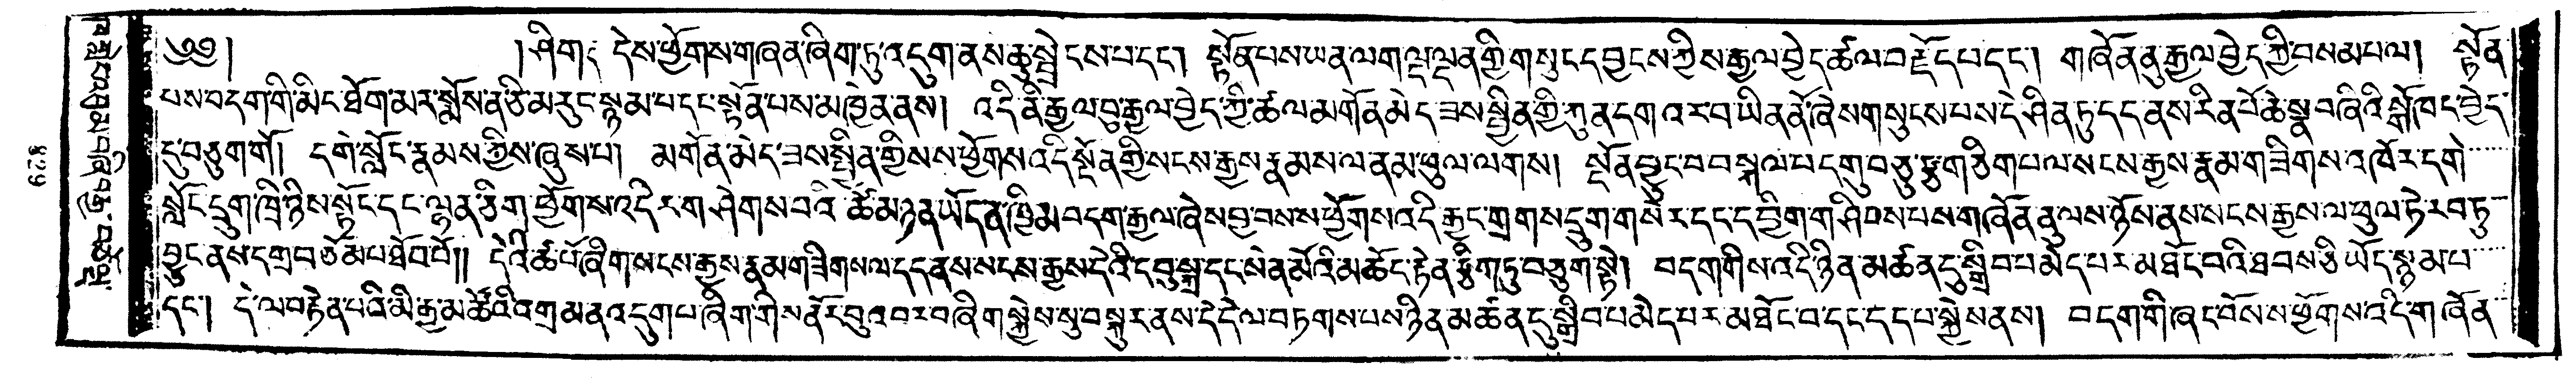༄༅། །ཤིག༑ དེས་ཕྱོགས་གཞན་ཞིག་ཏུ་འདུག་ནས་ཆུ་སྦྲེངས་པ་དང་། སྟོན་པས་ཡན་ལག་ལྔ་ལྡན་གྱི་གསུང་དབྱངས་ཀྱིས་རྒྱལ་བྱེད་ཚལ་བརྗོད་པ་དང་། གཞོན་ནུ་རྒྱལ་བྱེད་ཀྱི་བསམ་པ་ལ། སྟོན་
པས་བདག་གི་མིང་ཐོག་མར་སྨོས་ན་ཅི་མ་རུང་སྙམ་པ་དང་སྟོན་པས་མཁྱེན་ནས། འདི་ནི་རྒྱལ་བུ་རྒྱལ་བྱེད་ཀྱི་ཚལ་མགོན་མེད་ཟས་སྦྱིན་གྱི་ཀུན་དགའ་ར་བ་ཡིན་ནོ་ཞེས་གསུངས་པས་དེ་ཤིན་ཏུ་དད་ནས་རིན་པོ་ཆེ་སྣ་བཞིའི་སྒོ་ཁང་བྱེད་
དུ་བཅུག་གོ། དགེ་སློང་རྣམས་ཀྱིས་ཞུས་པ། མགོན་མེད་ཟས་སྤྱིན་གྱིས་ས་ཕྱོགས་འདི་སྔོན་གྱི་སངས་རྒྱས་རྣམས་ལ་ནམ་ཕུལ་ལགས། སྔོན་བྱུང་བ་བསྐལ་པ་དགུ་བཅུ་རྩ་གཅིག་པ་ལ་སངས་རྒྱས་རྣམ་གཟིགས་འཁོར་དགེ་
སློང་དྲུག་ཁྲི་ཉིས་སྟོང་དང་ལྷན་ཅིག་ཕྱོགས་འདིར་གཤེགས་པའི་ཚེ་མཉན་ཡོད་ན་ཁྱིམ་བདག་རྒྱལ་ཞེས་བྱ་བས་ས་ཕྱོགས་འདི་རྒྱང་གྲགས་དྲུག་གསེར་དང་དབྱིག་གཤིབས་པས་གཞོན་ནུ་ལས་ཉོས་ནས་སངས་རྒྱས་ལ་ཕུལ་ཏེ་རབ་ཏུ་
བྱུང་ནས་དགྲ་བཅོམ་པ་ཐོབ་བོ།། དེའི་ཚ་པོ་ཞིག་སངས་རྒྱས་རྣམ་གཟིགས་ལ་དད་ནས་སངས་རྒྱས་དེའི་དབུ་སྐྲ་དང་སེན་མོའི་མཆོད་རྟེན་རྩིག་ཏུ་བཅུག་སྟེ། བདག་གིས་འདི་ཉིན་མཚན་དུ་སྒྲིབ་པ་མེད་པར་མཐོང་བའི་ཐབས་ཅི་ཡོད་སྙམ་པ་
དང་། དེ་ལ་བརྟེན་པའི་མི་རྒྱ་མཚོའི་འགྲམ་ན་འདུག་པ་ཞིག་གིས་ནོར་བུ་འབར་བཞིག་སྐྱེས་སུ་བསྐུར་ནས་དེ་དེ་ལ་བཏགས་པས་ཉིན་མཚན་དུ་སྒྲིབ་པ་མེད་པར་མཐོང་བ་དང་དད་པ་སྐྱེས་ནས། བདག་གི་ཞང་བོས་ས་ཕྱོགས་འདི་གཞོན་